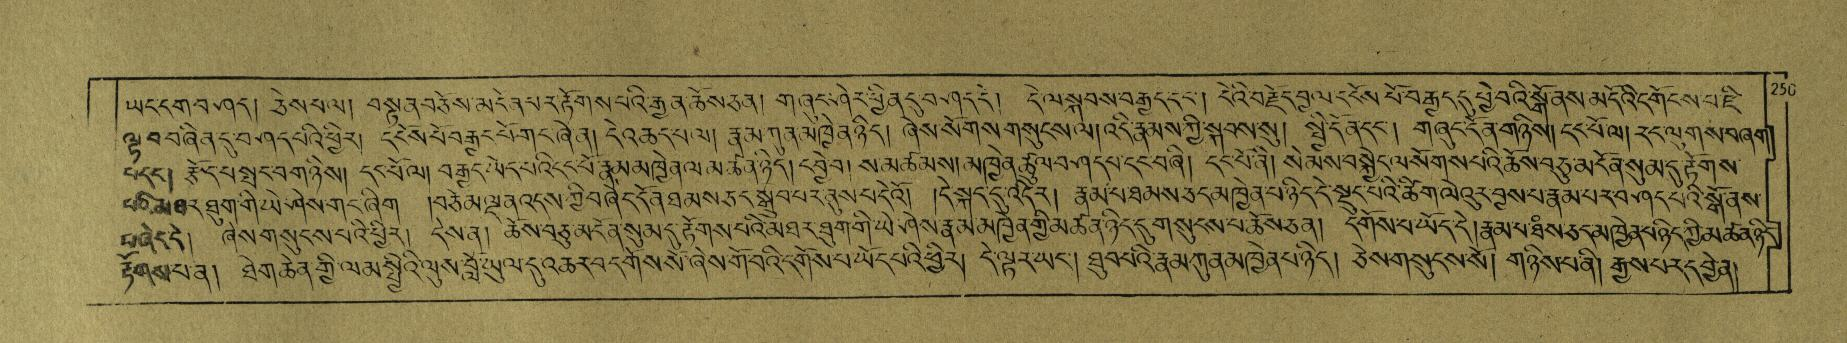ཡང་དག་བཤད། ཅེས་པ་ལ། བསྟན་བཅོས་མངོན་པར་རྟོགས་པའི་རྒྱན་ཆོས་ཅན། གཞུང་ཤེར་ཕྱིན་དུ་བཤད་དེ། དེ་ལ་སྐབས་བརྒྱད་དང་། དེའི་བརྗོད་བྱ་ལ་དངོས་པོ་བརྒྱད་དུ་ཕྱེ་བའི་སྒོ་ནས་མདོའི་དགོངས་པ་ཇི་
ལྟ་བ་བཞིན་དུ་བཤད་པའི་ཕྱིར། དངོས་པོ་བརྒྱད་པོ་གང་ཞེ་ན། དེ་འཆད་པ་ལ། རྣམ་ཀུན་མཁྱེན་ཉིད། ཞེས་སོགས་གསུངས་ལ། འདི་རྣམས་ཀྱི་སྐབས་སུ། སྤྱི་དོན་དང་། གཞུང་དོན་གཉིས། དང་པོ་ལ། རང་ལུགས་བཞག་
པ་དང་། རྩོད་པ་སྤང་བ་གཉིས། དང་པོ་ལ། བརྒྱད་ཡོད་པའི་དང་པོ་རྣམ་མཁྱེན་ལ་མཚན་ཉིད། དབྱེ་བ། ས་མཚམས། མཁྱེན་ཚུལ་བཤད་པ་དང་བཞི། དང་པོ་ནི། སེམས་བསྐྱེད་ལ་སོགས་པའི་ཆོས་བཅུ་མངོན་སུམ་དུ་རྟོགས་
པའི་མཐར་ཐུག་གི་ཡེ་ཤེས་གང་ཞིག །བཅོམ་ལྡན་འདས་ཀྱི་བཞེད་དོན་ཐམས་ཅད་སྒྲུབ་པར་ནུས་པ་དེའོ། །དེ་སྐད་དུ་འདིར། རྣམ་པ་ཐམས་ཅད་མཁྱེན་པ་ཉིད་དེ་སྡུད་པའི་ཚིག་ལེའུར་བྱས་པ་རྣམ་པར་བཤད་པའི་སྒོ་ནས་
བཞེད་དེ། ཞེས་གསུངས་པའི་ཕྱིར། དེས་ན། ཆོས་བཅུ་མངོན་སུམ་དུ་རྟོགས་པའི་མཐར་ཐུག་གི་ཡེ་ཤེས་རྣམ་མཁྱེན་གྱི་མཚན་ཉིད་དུ་གསུངས་པ་ཆོས་ཅན། དགོས་པ་ཡོད་དེ། རྣམ་པ་ཐཾས་ཅད་མཁྱེན་པ་ཉིད་ཀྱི་མཚན་ཉིད་
རྟོགས་པ་ན། ཐེག་ཆེན་གྱི་ལམ་སྤྱིའི་ལུས་བློ་ཡུལ་དུ་འཆར་བ་དགོས་སོ་ཞེས་གོ་བའི་དགོས་པ་ཡོད་པའི་ཕྱིར། དེ་ལྟར་ཡང་། ཐུབ་པའི་རྣམ་ཀུན་མཁྱེན་པ་ཉིད། ཅེས་གསུངས་སོ། གཉིས་པ་ནི། རྒྱས་པར་དབྱེ་ན།